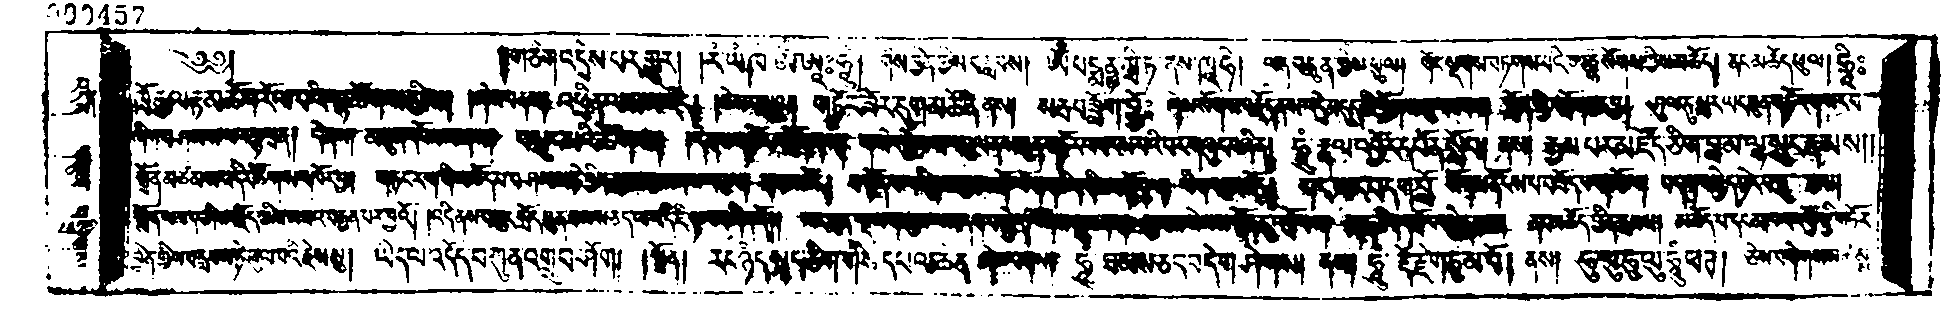༄༅། །གཅིག་འདྲེས་པར་གྱུར། །རཾ་ཡཾ་ཁཾ་ཨོཾ་ཨཱཿ ཧཱུཾ། གིས་བྱིན་གྱིས་བརླབས།  ཨོཾ་པདམནྟ་ཀྲི་ཏ་ནས་ཁཱ་ཧི། ལན་བདུན་གྱིས་ཕུལ། གོང་སྔགས་བཏགས་པའི་ཨརྒྷཾ་སོགས་ཀྱིས་མཆོད། ནང་མཆོད་ཕུལ།  ཧྲཱིཿ
ཁྲོ་རྒྱལ་རྟ་མཆོག་རོལ་བའི་ལྷ་ཚོགས་ཀྱིས། །ཞེས་པ་ནས།  འཕྲིན་ལས་མཛོད། །ཅེས་བསྐུལ།  གཏོར་ཟོར་དུག་མཚོན་ནས།  སརྦ་བཟློག་བྷྱོཿ ཞེས་སོགས་བརྗོད་ནས་འདྲེ་བདུད་ཀྱི་ཕྱོགས་སུ་འཕངས། སྤྲོ་ན་སྤྱི་བཟློག་ཀྱང་བྱ། ཤུལ་དུ་སླར་ཡང་ཐུན་གཏོར་གསར་བ་
ཞིག་བཤམས་ལ་རཀྟ་བྲན། དེ་ནས། མཐུན་དངོས་མ་ནས། བསྲུང་མའི་ཚོགས། །དེ་ནས་གཏོར་བཟློག་ནས། གསེར་སྐྱེམས་འབུལ་ནས་ཐུན་གཏོར་འཕངས་པའི་བར་གཞུང་བཞིན།  ཧཱུཾ་རྣལ་འབྱོར་དཔོན་སློབ། ནས།  རྒྱས་པར་མཛོད་ཅིག་བླ་མ་ལྷ་སྲུང་རྣམས། །
སྤྲོ་ན་མཚམས་འདིར་ཚོགས་འཁོར་བྱ། གཏང་རག་གི་མཆོད་པ་བཤམས་ཏེ་བྱིན་རླབས་བྱས་ནས་འབུལ། ནང་མཆོད། བསྟོད་པ་འཇིགས་རུང་མ་ཤོ་ལོ་ཀ་གཅིག་གིས་བསྟོད་ལ། ཡིག་བརྒྱ་བརྗོད།  གང་ཡང་བདག་བློ་སོགས་ནོངས་པ་བཟོད་པར་གསོལ། བདག་བསྐྱེད་ཉེར་བསྡུ་བྱས།
སྨོན་ལམ་དང་ཤིས་བརྗོད་ཀྱིས་མཐའ་བརྒྱན་པར་བྱའོ། །འདི་ནས་བཟུང་སྲོད་ཐུན་ཐམས་ཅད་ལ་འདི་ཇི་ལྟ་བ་བཞིན་ནོ། །ཡང་ཐུན་སྔ་མ་གསུམ་ལ་བདག་བསྐྱེད་ཁོ་ནས་སྒྲུབ་ནས། སྐྱབས་སེམས་སྔོན་དུ་འགྲོ་བས། སྐད་ཅིག་དཀྲོང་བསྐྱེད་བྱས། ནང་མཆོད་བྱིན་རླབས། མཆོད་པ་དང་མཁའ་འགྲོ་སྤྱི་གཏོར་
བྱིན་གྱིས་བརླབས་ཏེ་ཕུལ་བའི་རྗེས་སུ། ཡིད་ལ་འདོད་པ་ཀུན་འགྲུབ་ཤོག ། །སྤྲོ་ན།  རང་ཉིད་སྐད་ཅིག་གིས་དཔལ་ཆེན་ཞེས་པ་ནས།  ཧཱུཾ་ཐམས་ཅད་བདེ་གཤེགས། ནས།  ཧཱུཾ་རྡོ་རྗེ་གཏུམ་པོ། ནས།  ཧུ་ལུ་ཧུ་ལུ་ཧཱུཾ་ཕཊ། ཅེས་བགེགས་མཚམས་